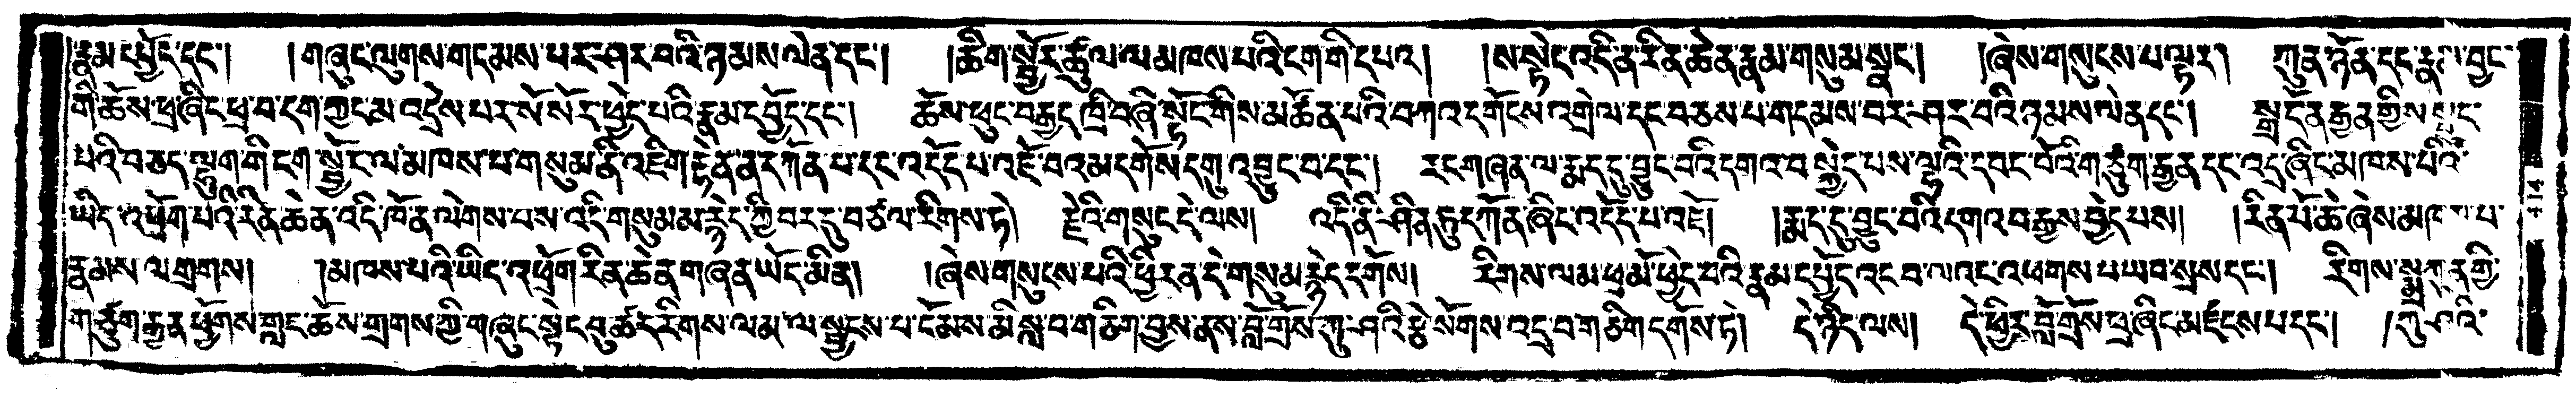རྣམ་དཔྱོད་དང་། །གཞུང་ལུགས་གདམས་པར་ཤར་བའི་ཉམས་ལེན་དང་། །ཆིག་སྦྱོར་ཚུལ་ལ་མཁས་པའི་དག་གི་དཔའ། །ས་སྟེང་འདི་ན་རིན་ཆེན་རྣམ་གསུམ་སྣང་། །ཞེས་གསུངས་པ་ལྟར། །ཀུན་ཉོན་དང་རྣམ་བྱང་
གི་ཆོས་ཕྲ་ཞིང་ཕྲ་བ་དག་ཀྱང་མ་འདྲེས་པར་སོ་སོར་ཕྱེད་པའི་རྣམ་དཔྱོད་དང་། ཆོས་ཕུང་བརྒྱད་ཁྲི་བཞི་སྟོང་གིས་མཚོན་པའི་བཀའ་དགོངས་འགྲེལ་དང་བཅས་པ་གདམས་པར་ཤར་པའི་ཉམས་ལེན་དང་། སྒྲ་དོན་རྒྱན་གྱིས་སྤུང་
པའི་བཅད་ལྷུག་གི་ངག་སྦྱོང་ལ་མཁས་པ་གསུམ་ནི་འཇིག་རྟེན་ན་དཀོན་པ་དང་འདོད་པ་འཇོ་བའམ་དགོས་དགུ་འབྱུང་བ་དང་། རང་གཞན་ལ་རྨད་དུ་བྱུང་བའི་དགའ་བསྐྱེད་པས་ལྷའི་དབང་པོའི་གཙུག་རྒྱན་དང་འདྲ་ཞིང་མཁས་པའི་
ཡིད་འཕྲོག་པའི་རིན་ཆེན་འདི་ཁོ་ན་ལེགས་པས་འདི་གསུམ་མ་རྙེད་ཀྱི་བར་དུ་བཙལ་རིགས་ཏེ། རྗེས་གསུང་དེ་ལས། འདི་ནི་ཤིན་ཏུ་དཀོན་ཞིང་འདོད་པ་འཇོ། །རྨད་དུ་བྱུང་བའི་དགའ་བརྒྱས་བྱེད་པས། །རིན་པོ་ཆེ་ཞེས་མཁས་པ་
རྣམས་ལ་གྲགས། །མཁས་པའི་ཡིད་འཕྲོག་རིན་ཆེན་གཞན་ཡོད་མིན། །ཞེས་གསུངས་པའི་ཕྱིར་ན་དེ་གསུམ་རྙེད་དགོས། རིགས་ལམ་ཕྲ་མོ་ཕྱེད་པའི་རྣམ་དཔྱོད་འང་བ་ལའང་འཕགས་པ་ཡབ་སྲས་དང་། རིགས་སྨྲ་ཀུན་གྱི་
གཙུག་རྒྱན་ཕྱོགས་གླང་ཆོས་གྲགས་ཀྱི་གཞུང་སྟེང་བུ་ཚད་རིགས་ལམ་ལ་སྦྱངས་པ་ངོམས་མི་སླ་བ་གཅིག་བྱས་ནས་བློ་གྲོས་ཀུ་ཤའི་རྩེ་སོགས་འདྲ་བ་གཅིག་དགོས་ཏེ། དེ་ཉིད་ལས། དེ་ཕྱིར་བློ་གྲོས་ཕྲ་ཞིང་མཛངས་པ་དང་། །ཀུ་ཤུའི་